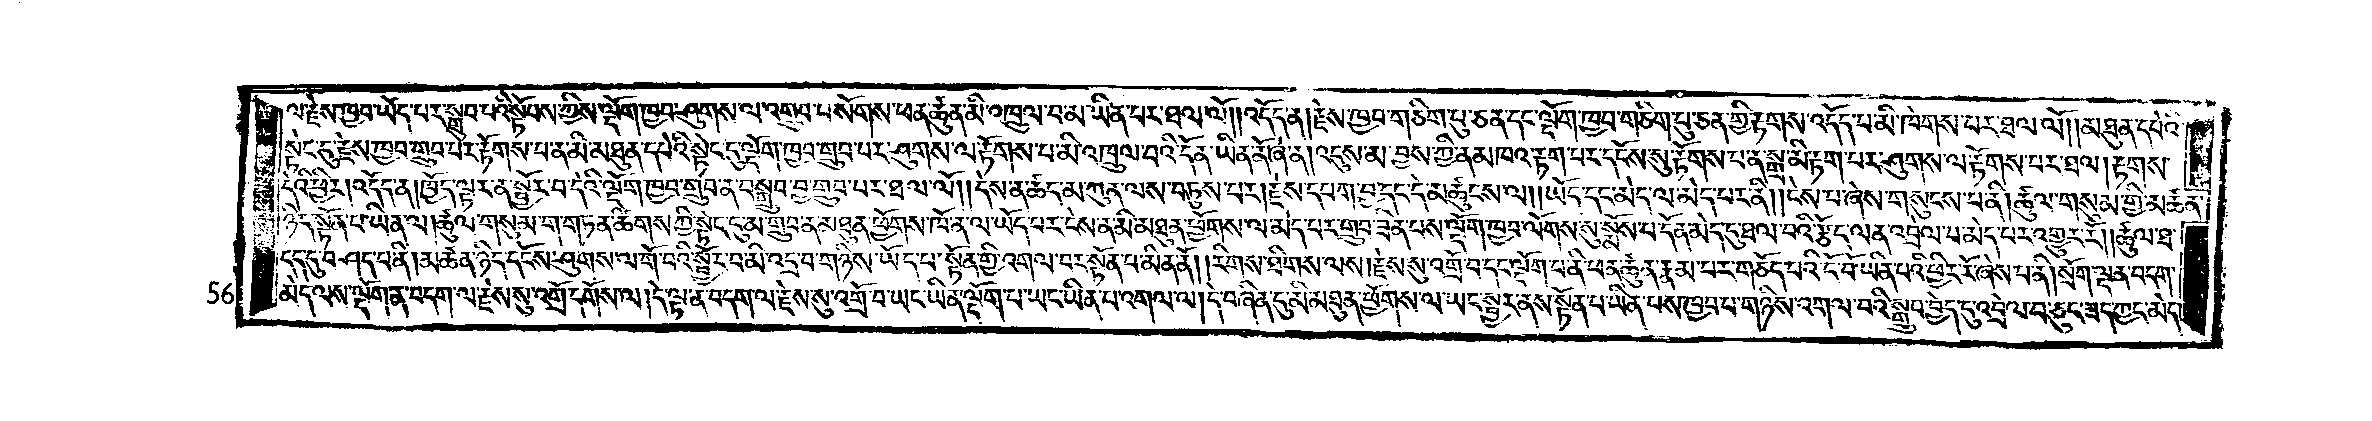ལ་རྗེས་ཁྱབ་ཡོད་པར་སྒབ་པའི་སྟོབས་ཀྱིས་ལྡོག་ཁྱབ་ཤུགས་ལ་འགྲུབ་པ་སོགས་ཕན་ཚུན་མི་འཁྲུལ་བ་མ་ཡིན་པར་ཐལ་ལོ། །འདོད་ན། རྗེས་ཁྱབ་གཅིག་པུ་ཅན་དང་ལྡོག་ཁྱབ་གཅིག་པུ་ཅན་གྱི་རྟགས་འདོད་པ་མི་ཁེགས་པར་ཐལ་ལོ། །མཐུན་དཔེའི་
སྟེང་དུ་རྗེས་ཁྱབ་གྲུབ་པར་རྟོགས་པ་ན་མི་མཐུན་དཔེའི་སྟེང་དུ་ལྡོག་ཁྱབ་གྲུབ་པར་ཤུགས་ལ་རྟོགས་པ་མི་འཁྲུལ་བའི་དོན་ཡིན་ནོ་ཞེ་ན། འདུས་མ་བྱས་ཀྱི་ནམ་མཁའ་རྟག་པར་དངོས་སུ་རྟོགས་པ་ན་སྒྲ་མི་རྟག་པར་ཤུགས་ལ་རྟོགས་པར་ཐལ། རྟགས་
དེའི་ཕྱིར། འདོད་ན། ཁྱོད་ལྟར་ན་སྦྱོར་བ་དེའི་ལྡོག་ཁྱབ་གྲུབ་ན་བསྒྲུབ་བྱ་གྲུབ་པར་ཐལ་ལོ། །དེས་ན་ཚད་མ་ཀུན་ལས་བཏུས་པར། རྗེས་དཔག་བྱ་དང་དེ་མཚུངས་ལ། །ཡོད་དང་མེད་ལ་མེད་པར་ནི། །ངེས་པ་ཞེས་གསུངས་པ་ནི། ཚུལ་གསུམ་གྱི་མཚན་
ཉིད་སྟོན་པ་ཡིན་ལ། ཚུལ་གསུམ་ག་གཏན་ཚིགས་ཀྱི་སྟེང་དུ་མ་གྲུབ་ན་མཐུན་ཕྱོགས་ཁོ་ན་ལ་ཡོད་པར་ངེས་ན་མི་མཐུན་ཕྱོགས་ལ་མེད་པར་གྲུབ་ཟིན་པས་ལྡོག་ཁྱབ་ལོགས་སུ་སྨོས་པ་དོན་མེད་དུ་ཐལ་བའི་རྩོད་ལན་འབྲེལ་བ་མེད་པར་འགྱུར་རོ། །ཚུལ་ཐ་
དད་དུ་བཤད་པ་ནི། མཚན་ཉིད་དངོས་ཤུགས་ལ་གོ་བའི་སྦྱོར་བ་མི་འདྲ་བ་གཉིས་ཡོད་པ་སྟོན་གྱི་འགལ་བར་སྟོན་པ་མིན་ནོ། །རིགས་ཐིགས་ལས། རྗེས་སུ་འགྲོ་བ་དང་ལྡོག་པ་ནི་ཕན་ཚུན་རྣམ་པར་གཅོད་པའི་ངོ་བོ་ཡིན་པའི་ཕྱིར་རོ་ཞེས་པ་ནི། སྲོག་ལྡན་བདག་
མེད་ལས་ལྡོག་ན་བདག་ལ་རྗེས་སུ་འགྲོ་དགོས་ལ། དེ་ལྟ་ན་བདག་ལ་རྗེས་སུ་འགྲོ་བ་ཡང་ཡིན་ལྡོག་པ་ཡང་ཡིན་པ་འགལ་ལ། དེ་བཞིན་དུ་མི་མཐུན་ཕྱོགས་ལ་ཡང་སྦྱར་ནས་སྟོན་པ་ཡིན་པས་ཁྱབ་པ་གཉིས་འགལ་བའི་སྒྲུབ་བྱེད་དུ་འབྲེལ་བ་ཅུང་ཟད་ཀྱང་མེད་